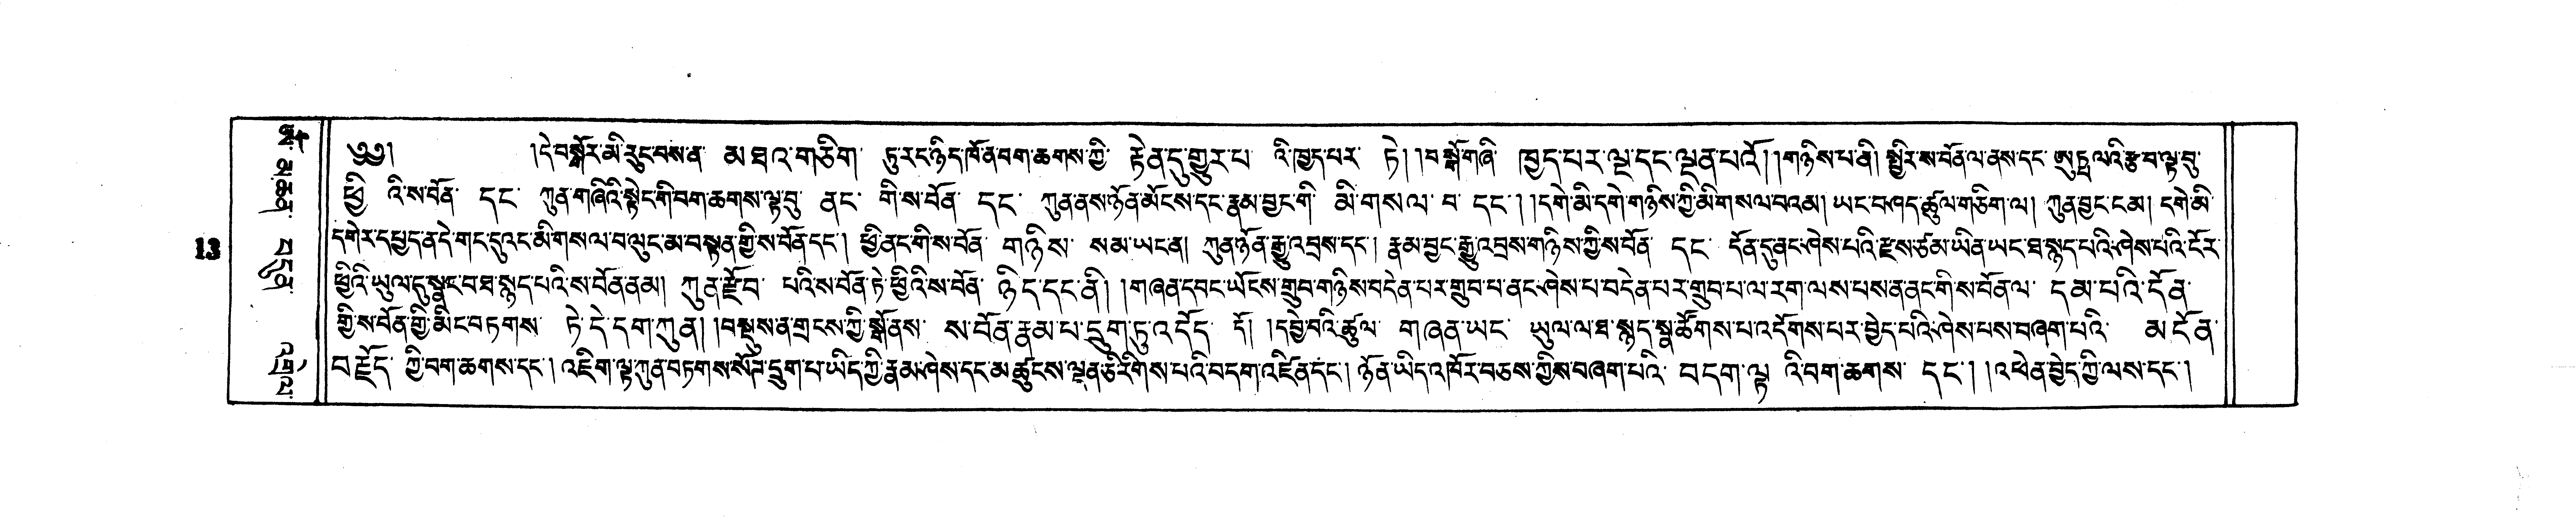༄༅། །དེ་བསྒོར་མི་རུང་བས་ན་མཐའ་གཅིག་ཏུ་རང་ཉིད་ཁོ་ན་བག་ཆགས་ཀྱི་རྟེན་དུ་གྱུར་པའི་ཁྱད་པར་ཏེ། །བསྒོ་གཞི་ཁྱད་པར་ལྔ་དང་ལྡན་པའོ། །གཉིས་པ་ནི། སྤྱིར་ས་བོན་ལ་ནས་དང་ཨུཏྤ་ལའི་རྩ་བ་ལྟ་བུ་
ཕྱིའི་ས་བོན་དང་ཀུན་གཞིའི་སྟེང་གི་བག་ཆགས་ལྟ་བུ་ནང་གི་ས་བོན་དང་ཀུན་ནས་ཉོན་མོངས་དང་རྣམ་བྱང་གི་མི་གསལ་བ་དང་། །དགེ་མི་དགེ་གཉིས་ཀྱི་མི་གསལ་བའམ། ཡང་བཤད་ཚུལ་གཅིག་ལ། ཀུན་བྱང་ངམ། དགེ་མི་
དགེར་དཔྱད་ན་དེ་གང་དུའང་མི་གསལ་བ་ལུང་མ་བསྟན་གྱི་ས་བོན་དང་། ཕྱི་ནང་གི་ས་བོན་གཉིས་སམ་ཡང་ན། ཀུན་ཉོན་རྒྱུ་འབྲས་དང་། རྣམ་བྱང་རྒྱུ་འབྲས་གཉིས་ཀྱི་ས་བོན་དང་དོན་དུ་ནང་ཤེས་པའི་རྫས་ཙམ་ཡིན་ཡང་ཐ་སྙད་པའི་ཤེས་པའི་ངོར་
ཕྱིའི་ཡུལ་དུ་སྣང་བ་ཐ་སྙད་པའི་ས་བོན་ནམ། ཀུན་རྫོབ་པའི་ས་བོན་ཏེ་ཕྱིའི་ས་བོན་ཉིད་དང་ནི། །གཞན་དབང་ཡོངས་གྲུབ་གཉིས་བདེན་པར་གྲུབ་པ་ནང་ཤེས་པ་བདེན་པར་གྲུབ་པ་ལ་རག་ལས་པས་ན་ནང་གི་ས་བོན་ལ་དམ་པའི་དོན་
གྱི་ས་བོན་གྱི་མིང་བཏགས་ཏེ་དེ་དག་ཀུན། །བསྡུས་ན་གྲངས་ཀྱི་སྒོ་ནས་ས་བོན་རྣམ་པ་དྲུག་ཏུ་འདོད་དོ། །དབྱེ་བའི་ཚུལ་གཞན་ཡང་ཡུལ་ལ་ཐ་སྙད་སྣ་ཚོགས་པ་འདོགས་པར་བྱེད་པའི་ཤེས་པས་བཞག་པའི་མངོན་
བརྗོད་ཀྱི་བག་ཆགས་དང་། འཇིག་ལྟ་ཀུན་བཏགས་སོགས་དྲུག་པ་ཡིད་ཀྱི་རྣམ་ཤེས་དང་མཚུངས་ལྡན་ཅི་རིགས་པའི་བདག་འཛིན་དང་། ཉོན་ཡིད་འཁོར་བཅས་ཀྱིས་བཞག་པའི་བདག་ལྟའི་བག་ཆགས་དང་། །འཕེན་བྱེད་ཀྱི་ལས་དང་།